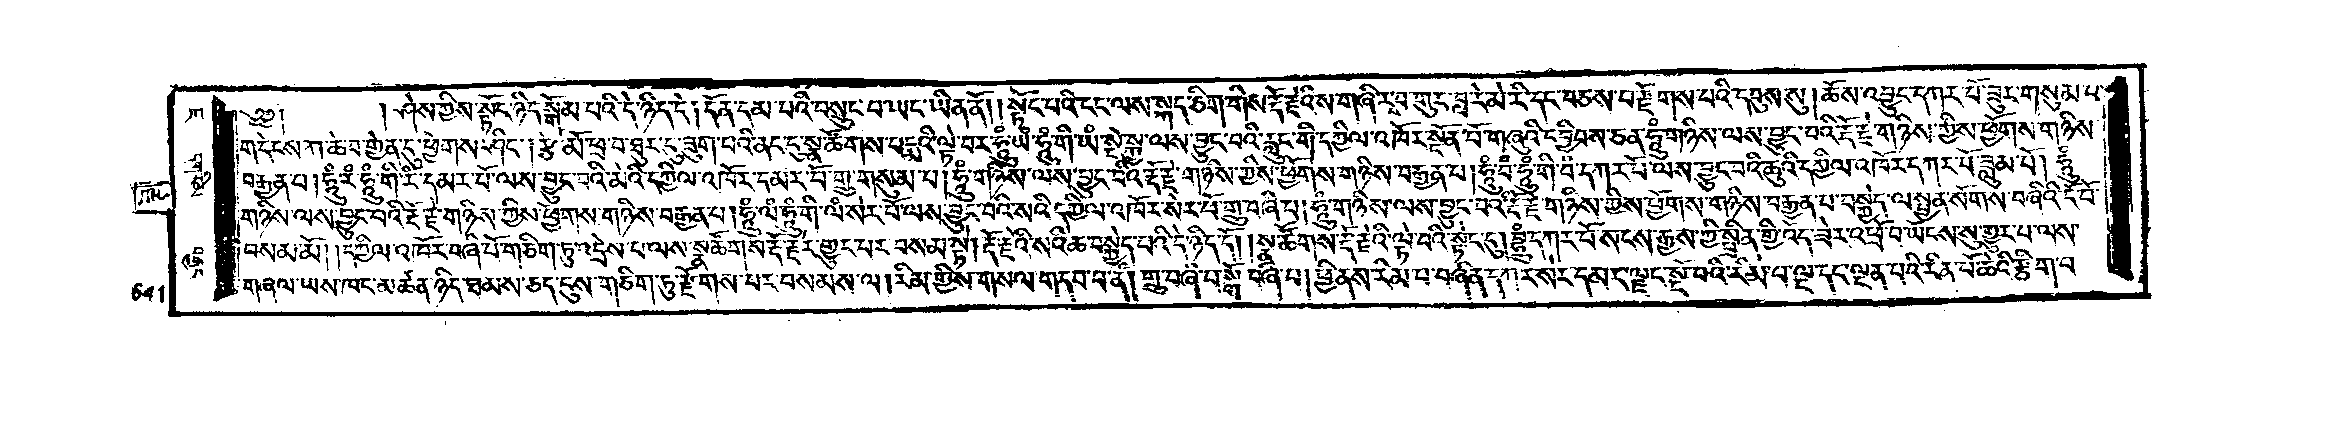༄༅། །ཤེས་ཀྱིས་སྟོང་ཉིད་སྒོམ་པའི་དེ་ཉིད་དེ། དོན་དམ་པའི་བསྲུང་བ་ཡང་ཡིན་ནོ། །སྟོང་པའི་ངང་ལས་སྐད་ཅིག་གིས་རྡོ་རྗེའི་ས་གཞི་རྭ་བ་གུར་བླ་རེ་མེ་རི་དང་བཅས་པ་རྫོགས་པའི་དབུས་སུ། ཆོས་འབྱུང་དཀར་པོ་ཟུར་གསུམ་པ་
གདེངས་ཀ་ཆེ་བ་གྱེན་དུ་ཕྱོགས་ཤིང་།རྩེ་མོ་ཕྲ་བ་ཐུར་དུ་ཟུག་པའི་ནང་དུ་སྣ་ཚོགས་པདམའི་ལྟེ་བར་ཧཱུཾ་ཡཾ་ཧཱུཾ་གི་ཡཾ་སྔོ་སྐྱ་ལས་བྱུང་བའི་རླུང་གི་དཀྱིལ་འཁོར་སྔོན་པོ་གཞུའི་དབྱིབས་ཅན་ཧཱུཾ་གཉིས་ལས་བྱུང་བའི་རྡོ་རྗེ་གཉིས་ཀྱིས་ཕྱོགས་གཉིས་
བརྒྱན་པ། ཧཱུཾ་རཾ་ཧཱུཾ་གི་རཾ་དམར་པོ་ལས་བྱུང་བའི་མེའི་དཀྱིལ་འཁོར་དམར་པོ་གྲུ་གསུམ་པ། ཧཱུཾ་གཉིས་ལས་བྱུང་བའི་རྡོ་རྗེ་གཉིས་ཀྱིས་ཕྱོགས་གཉིས་བརྒྱན་པ། ཧཱུཾ་བཾ་ཧཱུཾ་གི་བཾ་དཀར་པོ་ལས་བྱུང་བའི་ཆུའི་དཀྱིལ་འཁོར་དཀར་པོ་ཟླུམ་པོ། ཧཱུཾ་
གཉིས་ལས་བྱུང་བའི་རྡོ་རྗེ་གཉིས་ཀྱིས་ཕྱོགས་གཉིས་བརྒྱན་པ། ཧཱུཾ་ལཾ་ཧཱུཾ་གི་ལཾ་སེར་པོ་ལས་བྱུང་བའི་སའི་དཀྱིལ་འཁོར་སེར་པོ་གྲུ་བཞི་པ། ཧཱུཾ་གཉིས་ལས་བྱུང་བའི་རྡོ་རྗེ་གཉིས་ཀྱིས་ཕྱོགས་གཉིས་བརྒྱན་པ་བསྐྱེད་ལ་སྤྱན་སོགས་བཞིའི་ངོ་བོ་
བསམ་མོ། །དཀྱིལ་འཁོར་བཞི་པོ་གཅིག་ཏུ་འདྲེས་པ་ལས་སྣ་ཚོགས་རྡོ་རྗེར་གྱུར་པར་བསམ་སྟེ། རྡོ་རྗེའི་སའི་ཆ་བསྐྱེད་པའི་དེ་ཉིད་དོ། །སྣ་ཚོགས་རྡོ་རྗེའི་ལྟེ་བའི་སྟེང་དུ། བྷཱྲུཾ་དཀར་པོ་སངས་རྒྱས་ཀྱི་སྤྲིན་གྱི་འོད་ཟེར་འཕྲོ་བ་ཡོངས་སུ་གྱུར་པ་ལས་
གཞལ་ཡས་ཁང་མཚན་ཉིད་ཐམས་ཅད་དུས་གཅིག་ཏུ་རྫོགས་པར་བསམས་ལ། རིམ་གྱིས་གསལ་གདབ་པ་ནི། གྲུ་བཞི་པ་སྒོ་བཞི་པ། ཕྱི་ནས་རིམ་པ་བཞིན་དཀར་སེར་དམར་ལྗང་སྔོ་བའི་རིམ་པ་ལྔ་དང་ལྡན་པའི་རིན་པོ་ཆེའི་རྩིག་པ་